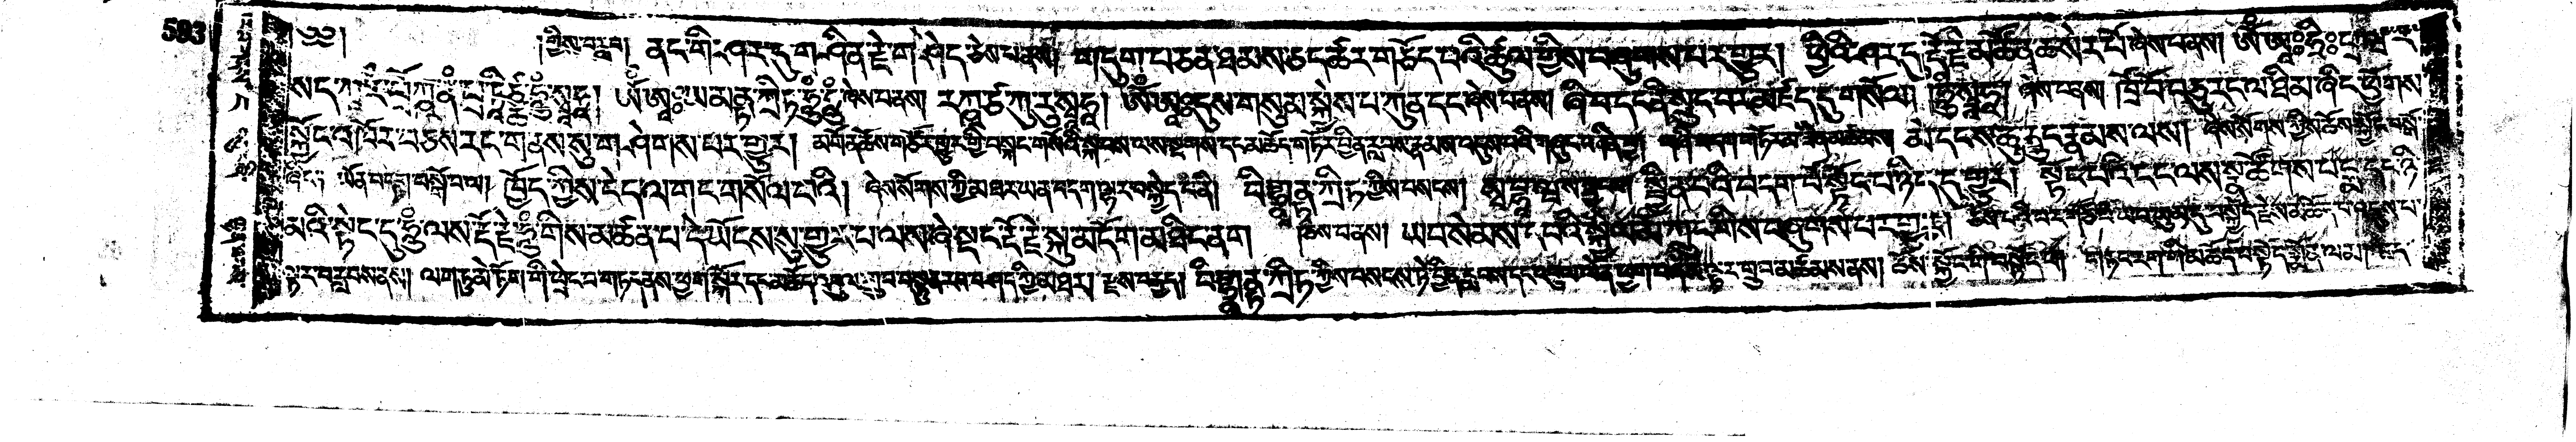༄༅། །གྱིས་བརླབ། ནང་གི་ཤར་དུ་གཤིན་རྗེ་གཤེད་ཅེས་པ་ནས། གདུག་པ་ཅན་ཐམས་ཅད་ཚར་གཅོད་པའི་ཚུལ་གྱིས་བཞུགས་པར་གྱུར། ཕྱིའི་ཤར་དུ་རྡོ་རྗེ་མཚོན་ཆ་སེར་པོ་ཞེས་བ་ནས།  ཨོཾ་ཨཱཿཧྲིཿཔྲ་ཝ་ར་
སད་ཀཱ་རཾ་པྲོཀྵ་ནཾ་པྲ་ཏཱིཙྪ་ཧཱུཾ་སྭཱཧཱ། ཨོཾ་ཨཱཿཡ་མནྟ་ཀྲིཏ་ཧཱུཾ་ཧཱུཾ་ཞེས་པ་ནས།  རཀྵཱ་ཙ་ཀུ་རུ་སྭཱཧཱ། ཨོཾ་ཨཱཿདུས་གསུམ་སྐྱེས་པ་ཀུན་དང་ཞེས་པ་ནས།  ཞི་བ་དང་ནི་སྲུང་བར་མཛད་དུ་གསོལ། །ཧཱུཾ་སྭཱཧཱ། ཞེས་པ་ནས།  ཁྲོ་བོ་བཅུ་རང་ལ་ཐིམ་ཞིང་ཕྱོགས་
སྐྱོང་འཁོར་བཅས་རང་གནས་སུ་གཤེགས་པར་གྱུར། མགོན་ཆོས་གཙོར་གྱུར་གྱིས་སྐང་གསོའི་སྐབས་ལས་སྔགས་དང་མཆོད་གཏོར་བྱིན་རླབས་རྣམས་འདུས་པའི་གཞུང་བཞིན་བྱ། གཞི་བདག་གཏོར་མ་ཟིན་མཚམས།  མེ་དང་ས་ཆུ་རླུང་རྣམས་ལས། ཞེས་སོགས་ཀྱིས་ཆོས་སྐྱོང་བསྒོ་
ཞིངཿ ཡོན་བདག་བསྒོ་བ་ལ། ཁྱོད་ཀྱིས་ངེད་ལ་གང་གསོལ་བའི། ཞེས་སོགས་ཀྱི་མཐར་ཡན་བདག་ལྷར་བསྐྱེད་པ་ནི།  བིགྷྣཱནྟ་ཀྲིཏ་ཀྱིས་བསངས།  སྭཱ་བྷཱ་ཝས་སྦྱངས།  སྦྱིན་པའི་བདག་པོ་སྟོང་པ་ཉིད་དུ་གྱུར། སྟོང་པའི་ངང་ལས་སྣ་ཚོགས་པདམ་དང་ཉི་
མའི་སྟེང་དུ་ཧཱུཾ་ལས་རྡོ་རྗེ་ཧཱུཾ་གིས་མཚན་པ་དེ་ཡོངས་སུ་གྱུར་པ་ལས་ཞེ་སྡང་རྡོ་རྗེ་སྐུ་མདོག་མཐིང་ནག་།ཅས་པ་ནས།  ཡབ་སེམས་དཔའི་སྐྱིལ་མོ་ཀྲུང་གིས་བཞུགས་པར་གྱུར། ཅེས་པའི་བར་གཙོ་བོ་ཡབ་ཡུམ་དུ་བསྐྱེད་རྗེས་མཆོད་པ་འདུས་པ་
ལྟར་བརླབས་ནས། ལག་ཏུ་མེ་ཏོག་གི་ཕྲེང་བ་གཏད་ནས་ཕྱག་སྐོར་དང་མཆོད་འབུལ་གྲུབ་བསྟུན་རབ་བཤད་ཀྱི་མཐར། རྫས་བརྒྱད། བིགྷྣཱནྟ་ཀྲིཏ་ཀྱིས་བསངས་ཏེ་བྱིན་རླབས་དང་འབུལ་ལེན་ཕྱག་བཞེས་ལྟར་གྲུབ་མཚམས་ནས། ཆོས་སྐྱོང་གི་བསྟོད་པ། གཏང་རག་གི་མཆོད་བསྟོད་སྨོན་ལམ་ཆད་